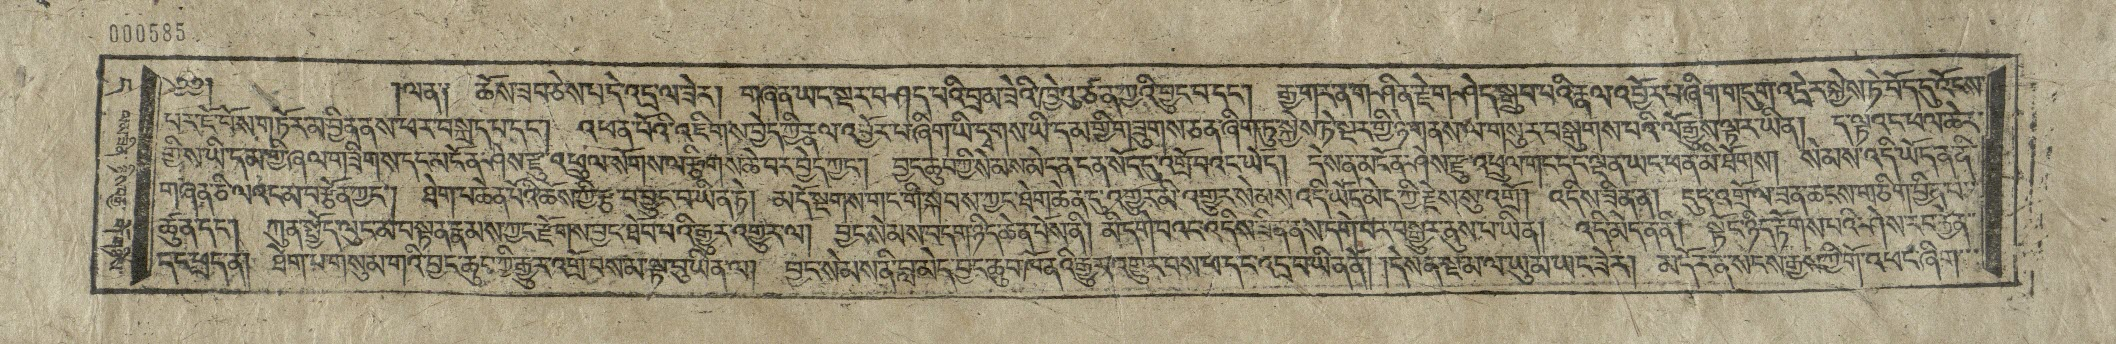༄༅། །ལན༑ ཆོས་ཟབ་ཅེས་པ་དེ་འདྲ་ལ་ཟེར། གཞན་ཡང་སྔར་བཤད་པའི་བྲམ་ཟེའི་ཁྱེའུ་ཙ་ན་ཀྱའི་བྱུང་བ་དང་། རྒྱ་གར་ན་གཤིན་རྗེ་གཤེད་སྒྲུབ་པའི་རྣལ་འབྱོར་བ་ཞིག་གདུག་འདྲེར་སྐྱེས་ཏེ་བོད་དུ་འོངས་
པར་ཇོ་བོས་གཏོར་མ་བྱིན་ནས་ཕར་བསྐྲད་པ་དང་། འཕན་པོའི་འཇིགས་བྱེད་ཀྱི་རྣལ་འབྱོར་པ་ཞིག་ཡི་དྭགས་ཡི་དམ་གྱི་གཟུགས་ཅན་ཞིག་ཏུ་སྐྱེས་ཏེ་སྔར་གྱི་ཉེ་གནས་ལ་གསུར་བསྒུགས་པའི་ལོ་རྒྱུས་ལྟར་ཡིན། ད་ལྟའང་ཕལ་ཆེར་
གྱིས་ཡི་དམ་གྱི་ཞལ་གཟིགས་དང་མངོན་ཤེས་རྫུ་འཕྲུལ་སོགས་ལ་རྩིགས་ཆེ་བར་བྱེད་ཀྱང་། བྱང་ཆུབ་ཀྱི་སེམས་མེད་ན་ངན་སོང་དུ་འགྲོ་བའང་ཡོད། དེས་ན་མངོན་ཤེས་རྫུ་འཕྲུལ་གང་དང་ལྡན་ཡང་ཕན་མི་ཐོགས། སེམས་འདི་ཡོད་ན་ནི་
གཞན་ཅི་ལའང་མ་བརྩོན་ཀྱང་། ཐེག་པ་ཆེན་པོའི་ཆོས་ཀྱི་རྩ་བ་བྱུང་བ་ཡིན་ཏེ། མདོ་སྔགས་གང་གི་སྐབས་ཀྱང་ཐེག་ཆེན་དུ་འགྱུར་མི་འགྱུར་སེམས་འདི་ཡོད་མེད་ཀྱི་རྗེས་སུ་འགྲོ། འདིས་ཟིན་ན། དུད་འགྲོ་ལ་ཟན་ཆངས་གཅིག་བྱིན་པ་
ཚུན་དང་། ཀུན་སྤྱོད་ལུང་མ་བསྟན་རྣམས་ཀྱང་རྫོགས་བྱང་ཐོབ་པའི་རྒྱུར་འགྱུར་ལ། བྱང་སེམས་བདག་ཉིད་ཆེན་པོས་ནི། མི་དགེ་བའང་འདིས་ཟིན་ནས་དགེ་བར་བསྒྱུར་ནུས་པ་ཡིན། འདི་མེད་ན་ནི། སྟོང་ཉིད་རྟོགས་པའི་ཤེས་རབ་རྐྱེན་
དང་ཕྲད་ན། ཐེག་པ་གསུམ་གའི་བྱང་ཆུབ་ཀྱི་རྒྱུར་འགྲོ་བས་མ་ལྟ་བུ་ཡིན་ལ། བྱང་སེམས་ནི་བླ་མེད་བྱང་ཆུབ་ཁོ་ནའི་རྒྱུར་འགྱུར་བས་ཕ་དང་འདྲ་བ་ཡིན་ནོ། །དེས་ན་སྔ་མ་ལ་ཡུམ་ཡང་ཟེར། མདོར་ན་སངས་རྒྱས་ཀྱི་གོ་འཕང་ཞིག་